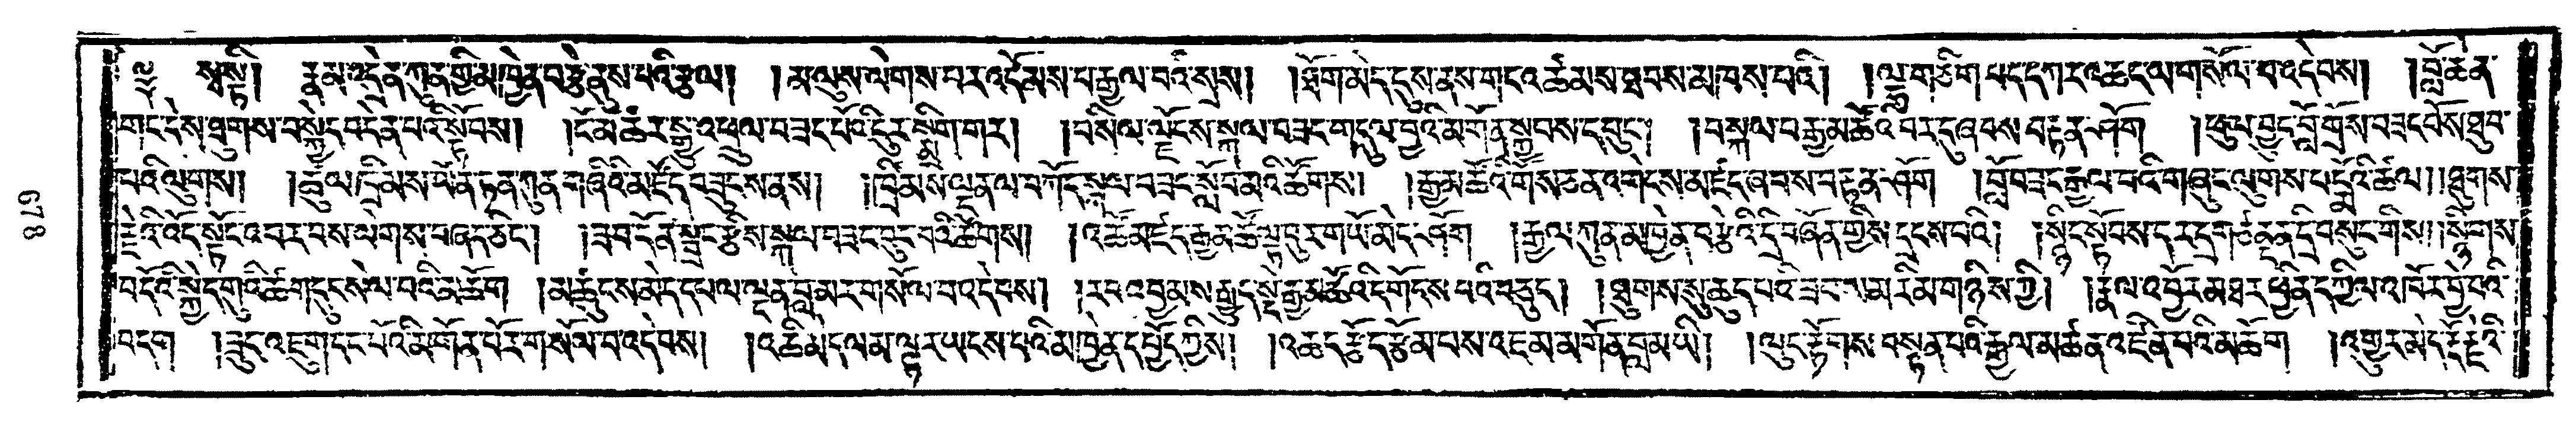༈ སྭསྟི། རྣམ་འདྲེན་ཀུན་གྱི་མཁྱེན་བརྩེ་ནུས་པའི་རྩལ། །མ་ལུས་ལེགས་པར་འདོམས་པ་རྒྱལ་བའི་སྲས། །ཐོག་མེད་དུས་ནས་གང་འཚམས་ཐབས་མཁས་པའི། །ལྷ་གཅིག་པད་དཀར་འཆང་ལ་གསོལ་བ་འདེབས། །བློ་ཆེན་
གང་དེས་ཐུགས་བསྐྱེད་བདེན་པའི་སྟོབས། །ངོ་མཚར་སྒྱུ་འཕྲུལ་བཟང་པོའི་དུར་སྨྲིག་གར། །བསིལ་ལྗོངས་སྐལ་བཟང་གདུལ་བྱའི་མགོན་སྐྱབས་དཔུང་། །བསྐལ་བརྒྱ་མཚོའི་བར་དུ་ཞབས་བརྟན་ཤོག །ཕུལ་བྱུང་བློ་གྲོས་བཟང་བོས་ཐུབ་
པའི་ལུགས། །ཚུལ་ཁྲིམས་ཡོན་ཏན་ཀུན་གཞིའི་མཛོད་བཟུངས་ནས། །ཁྲིམས་ལྡན་ལ་བཀོད་སྐལ་བཟང་སློབ་མའི་ཚོགས། །རྒྱ་མཚོའི་གོས་ཅན་འགེངས་མཛད་ཞབས་བརྟན་ཤོག །བློ་བཟང་རྒྱལ་བའི་གཞུང་ལུགས་པདམོའི་ཚལ། །ཐུགས་
རྗེའི་འོད་སྟོང་འབར་བས་ལེགས་བཞད་ཅིང་། །ཟབ་དོན་སྦྲང་རྩིས་སྐལ་བཟང་བུང་བའི་ཚོགས། །འཚོ་མཛད་རྒྱ་མཚོ་ལྟ་བུར་གཡོ་མེད་ཤོག །རྒྱལ་ཀུན་མཁྱེན་བརྩེའི་དྲི་བཞོན་གྱིས་དྲངས་པའི། །སྙིང་སྟོབས་དར་དྲག་ཙནྡན་དྲི་བསུང་གིས། །སྙིགས་
བདོའི་སྐྱེ་དགུའི་ཚ་གདུང་སེལ་བའི་མཆོག །མཚུངས་མེད་དཔལ་ལྡན་བླ་མར་གསོལ་བ་འདེབས། །རབ་འབྱམས་རྒྱུད་སྡེ་རྒྱ་མཚོའི་དགོངས་པའི་བཅུད། །ཐུགས་སུ་ཆུད་པའི་ཟབ་ལམ་རིམ་གཉིས་ཀྱི། །རྣལ་འབྱོར་མཐར་ཕྱིན་དཀྱིལ་འཁོར་བྱེ་བའི་
བདག །ཟུང་འཇུག་དང་པོའི་མགོན་པོར་གསོལ་བ་འདེབས། །འཆི་མེད་ལམ་ལྟར་ཡངས་པའི་མཁྱེན་དཔྱོད་ཀྱིས། །འཆད་རྩོད་རྩོམ་པས་འཇམ་མགོན་བླ་མ་ཡི། །ལུང་རྟོགས་བསྟན་པའི་རྒྱལ་མཚན་འཛིན་པའི་མཆོག །འགྱུར་མེད་རྡོ་རྗེའི་